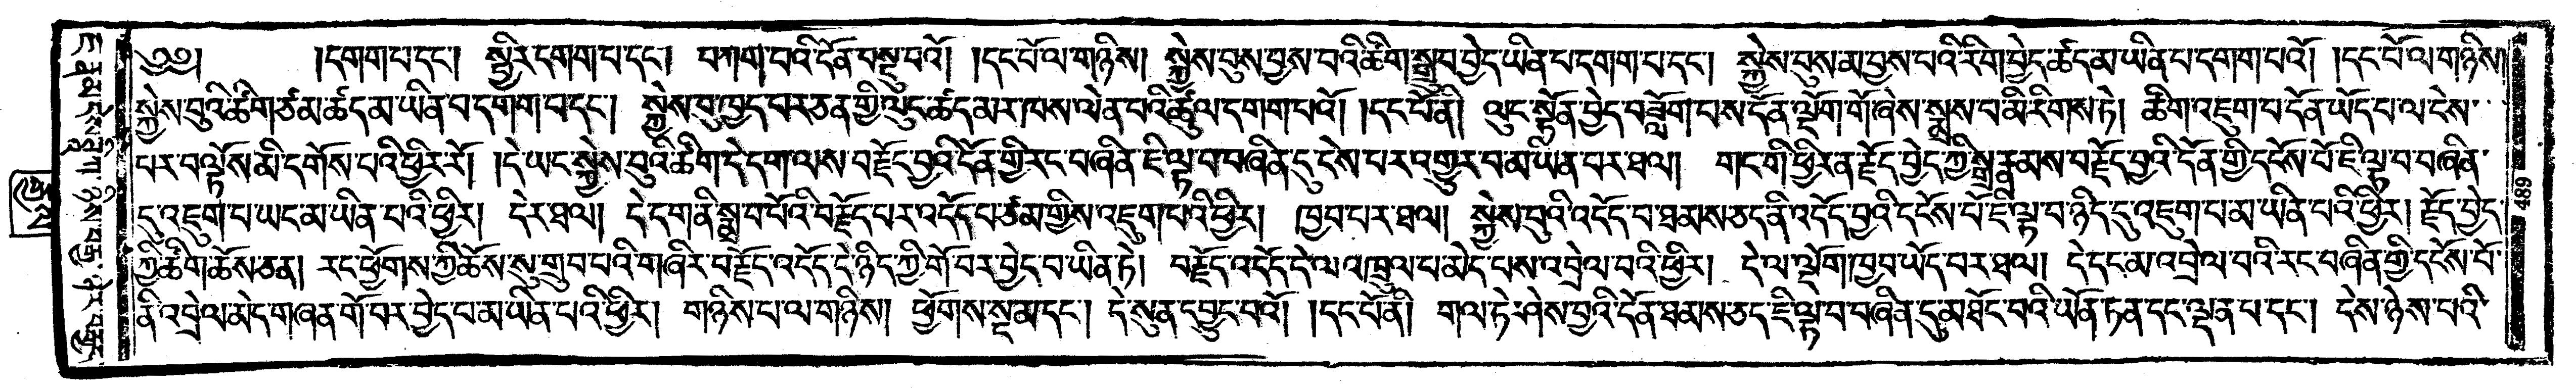༄༅། །དགག་པ་དང་། སྤྱིར་དགག་པ་དང་། བཀག་པའི་དོན་བསྡུ་བའོ། །དང་པོ་ལ་གཉིས། སྐྱེས་བུས་བྱས་པའི་ཚིག་སྒྲུབ་བྱེད་ཡིན་པ་དགག་པ་དང་། སྐྱེས་བུས་མ་བྱས་པའི་རིག་བྱེད་ཚད་མ་ཡིན་པ་དགག་པའོ། །དང་པོ་ལ་གཉིས།
སྐྱེས་བུའི་ཚིག་ཙམ་ཚད་མ་ཡིན་པ་དགག་པ་དང་། སྐྱེས་བུ་ཁྱད་པར་ཅན་གྱི་ལུང་ཚད་མར་ཁས་ལེན་པའི་ཚུལ་དགག་པའོ། །དང་པོ་ནི། ལུང་སྟོན་བྱེད་བཟློག་པས་དོན་ལྡོག་གོ་ཞེས་སྨྲས་བ་མི་རིགས་ཏེ། ཚིག་འཇུག་པ་དོན་ཡོད་པ་ལ་ངེས་
པར་བལྟོས་མི་དགོས་པའི་ཕྱིར་རོ། །དེ་ཡང་སྐྱེས་བུའི་ཚིག་དེ་དག་ལས་བརྗོད་བྱའི་དོན་གྱི་རང་བཞིན་ཇི་ལྟ་བ་བཞིན་དུ་ངེས་པར་འགྱུར་བ་མ་ཡིན་པར་ཐལ། གང་གི་ཕྱིར་ན་རྗོད་བྱེད་ཀྱི་སྒྲ་རྣམས་བརྗོད་བྱའི་དོན་གྱི་དངོས་པོ་ཇི་ལྟ་བ་བཞིན་
དུ་འཇུག་པ་ཡང་མ་ཡིན་པའི་ཕྱིར། དེར་ཐལ། དེ་དག་ནི་སྨྲ་བ་པོའི་བརྗོད་པར་འདོད་པ་ཙམ་གྱིས་འཇུག་པའི་ཕྱིར། ཁྱབ་པར་ཐལ། སྐྱེས་བུའི་འདོད་པ་ཐམས་ཅད་ནི་འདོད་བྱའི་དངོས་པོ་ཇི་ལྟ་བ་ཉིད་དུ་འཇུག་པ་མ་ཡིན་པའི་ཕྱིར། རྗོད་བྱེད་
ཀྱི་ཚིག་ཆོས་ཅན། རང་ཕྱོགས་ཀྱི་ཆོས་སུ་གྲུབ་པའི་གཞིར་བརྗོད་འདོད་དེ་ཉིད་ཀྱི་གོ་བར་བྱེད་པ་ཡིན་ཏེ། བརྗོད་འདོད་དེ་ལ་འཁྲུལ་པ་མེད་པས་འབྲེལ་པའི་ཕྱིར། དེ་ལ་ལྡོག་ཁྱབ་ཡོད་པར་ཐལ། དེ་དང་མ་འབྲེལ་བའི་རང་བཞིན་གྱི་དངོས་པོ་
ནི་འབྲེལ་མེད་གཞན་གོ་བར་བྱེད་པ་མ་ཡིན་པའི་ཕྱིར། གཉིས་པ་ལ་གཉིས། ཕྱོགས་སྔ་མ་དང་། དེ་སུན་དབྱུང་བའོ། །དང་པོ་ནི། གལ་ཏེ་ཤེས་བྱའི་དོན་ཐམས་ཅད་ཇི་ལྟ་བ་བཞིན་དུ་མཐོང་བའི་ཡོན་ཏན་དང་ལྡན་པ་དང་། དེས་ཉེས་པའི་